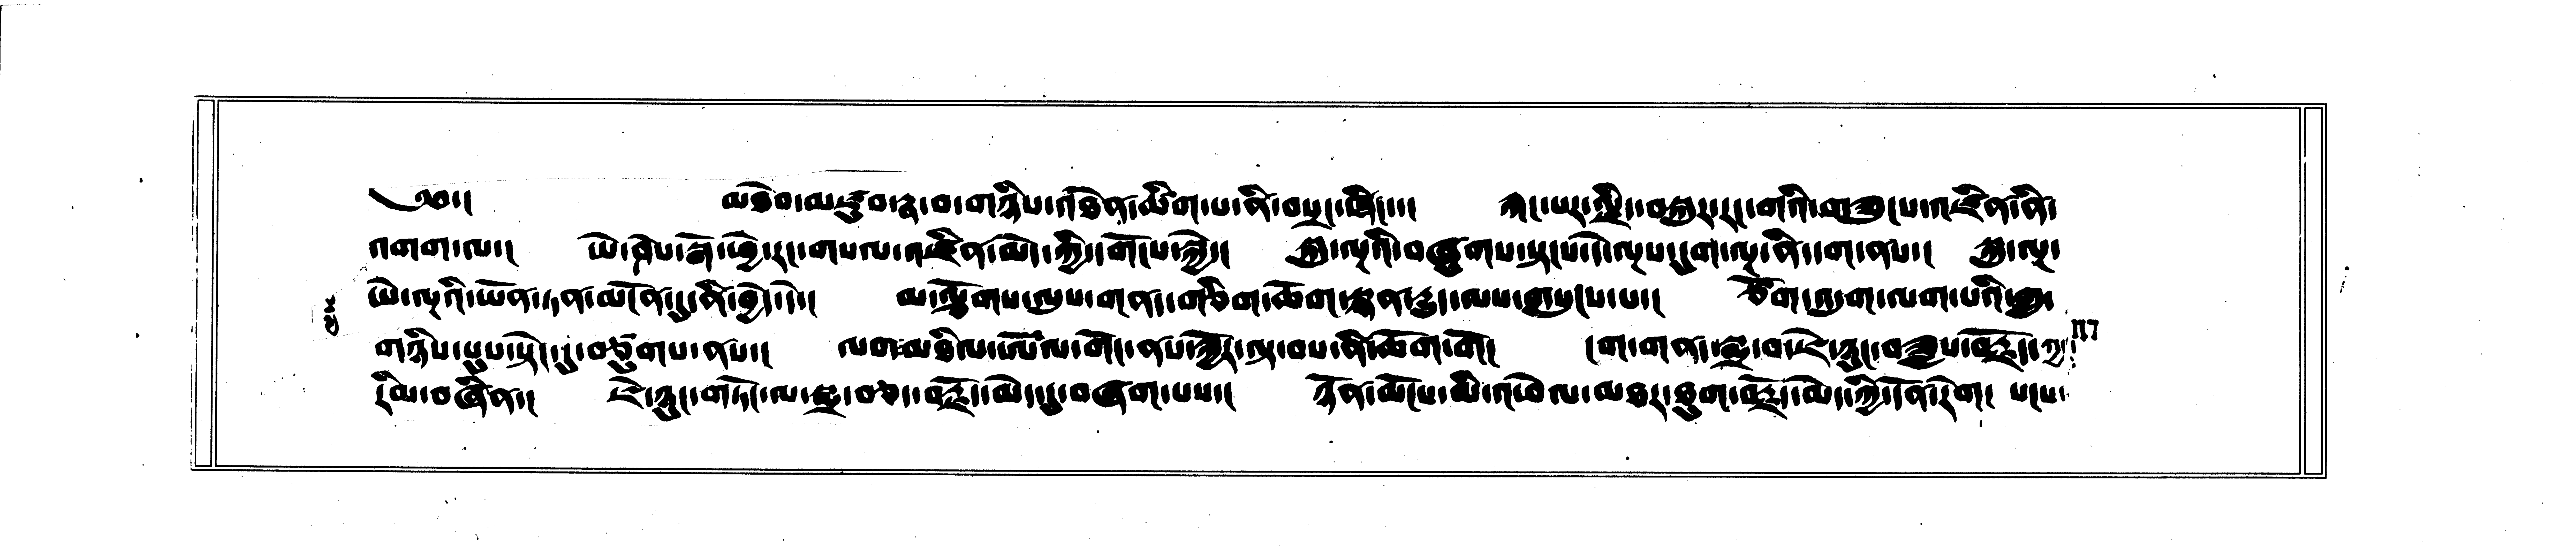འཐེབ་འཛུབ་རྣ་བ་གཉིས་འཐེན་ཚིག་པ་ནི་བསྲང་ཞིང་། །རྐང་པར་ལྗིད་བསྐུར་རང་གའི་གཟུང་འཛིན་ནི་
འགག་ལ། །ཡེ་ཤེས་སྒོ་ཕྱེ་རང་གསལ་འཛིན་མེད་ཀྱི་དགོངས་སྐྱེ། །སྐུ་ལྔའི་བཞུགས་སྟངས་དེ་གས་དུག་ལྔ་ནི་དག་ནས། །སྐུ་ལྔ་
ཡེ་ལྔའི་ཡོན་ཏན་མངོན་དུ་ནི་བྱེད་དེ། །མ་ལྕོགས་ལུས་གནད་གཅིག་ཆོག་སྙན་རྒྱུད་ལས་གསུངས་པ། །ཙོག་འདུག་ལག་པའི་གྲུ་
གཉིས་པུས་སྟཻང་དུ་བཙུགས་ནས། །ལག་མཐིལ་ཨོལ་གོང་ནས་སྐྱོར་ལྟ་བས་ནི་ཆོག་གོ །ངག་གནས་སྨྲ་བ་ཇེ་ཉུང་བཟླས་བརྗོད་ཀྱང་
རིམ་བཞིན། །ཇེ་ཉུང་གཏོང་ལ་སྨྲ་བཅད་བརྗོད་མེད་དུ་བཞག་པས། །ཉོན་མོངས་མི་འཕེལ་མཐར་ཐུག་བརྗོད་མེད་ཀྱི་དོན་རེག །སངས་